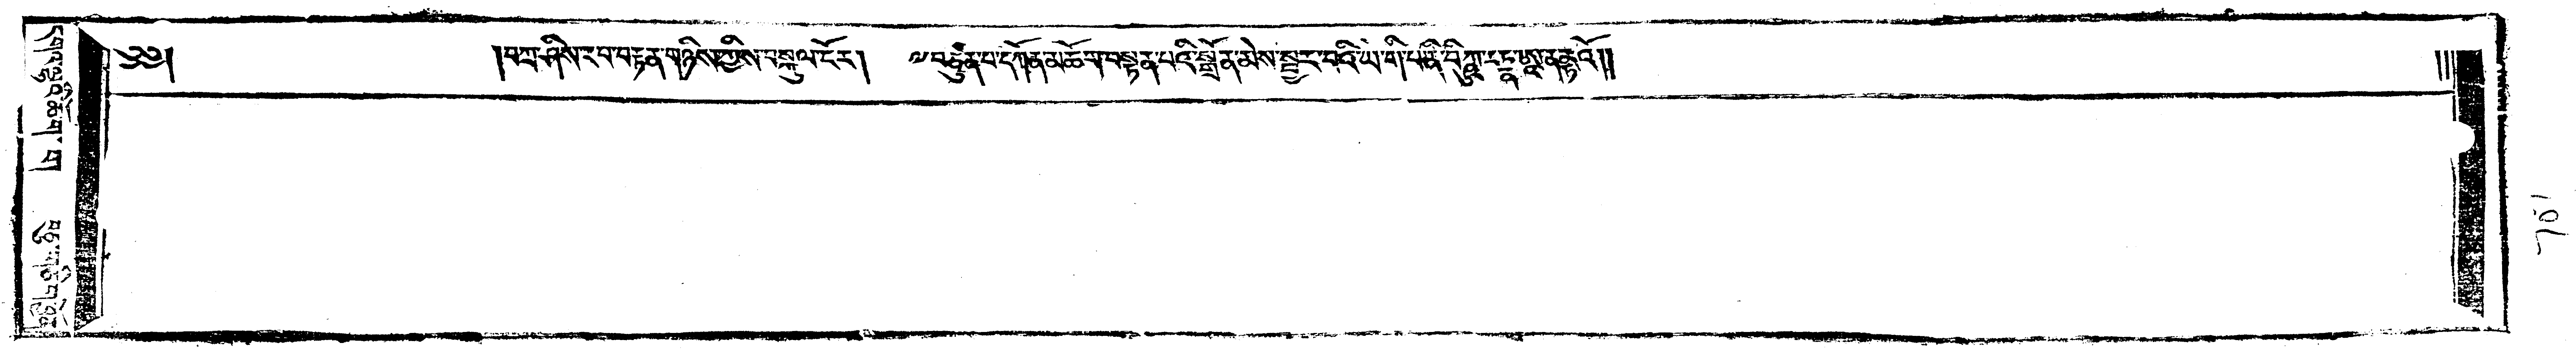༄༅། །བཀྲ་ཤིས་རབ་བརྟན་གཉིས་ཀྱིས་བསྐུལ་ངོར། བཙུན་པ་དཀོན་མཆོག་བསྟན་པའི་སྒྲོན་མེས་སྦྱར་བའི་ཡེ་གི་པ་ནི་བིཀྵུ་རཀྵ་རཏྣ་ཨཱནནྟའོ།།